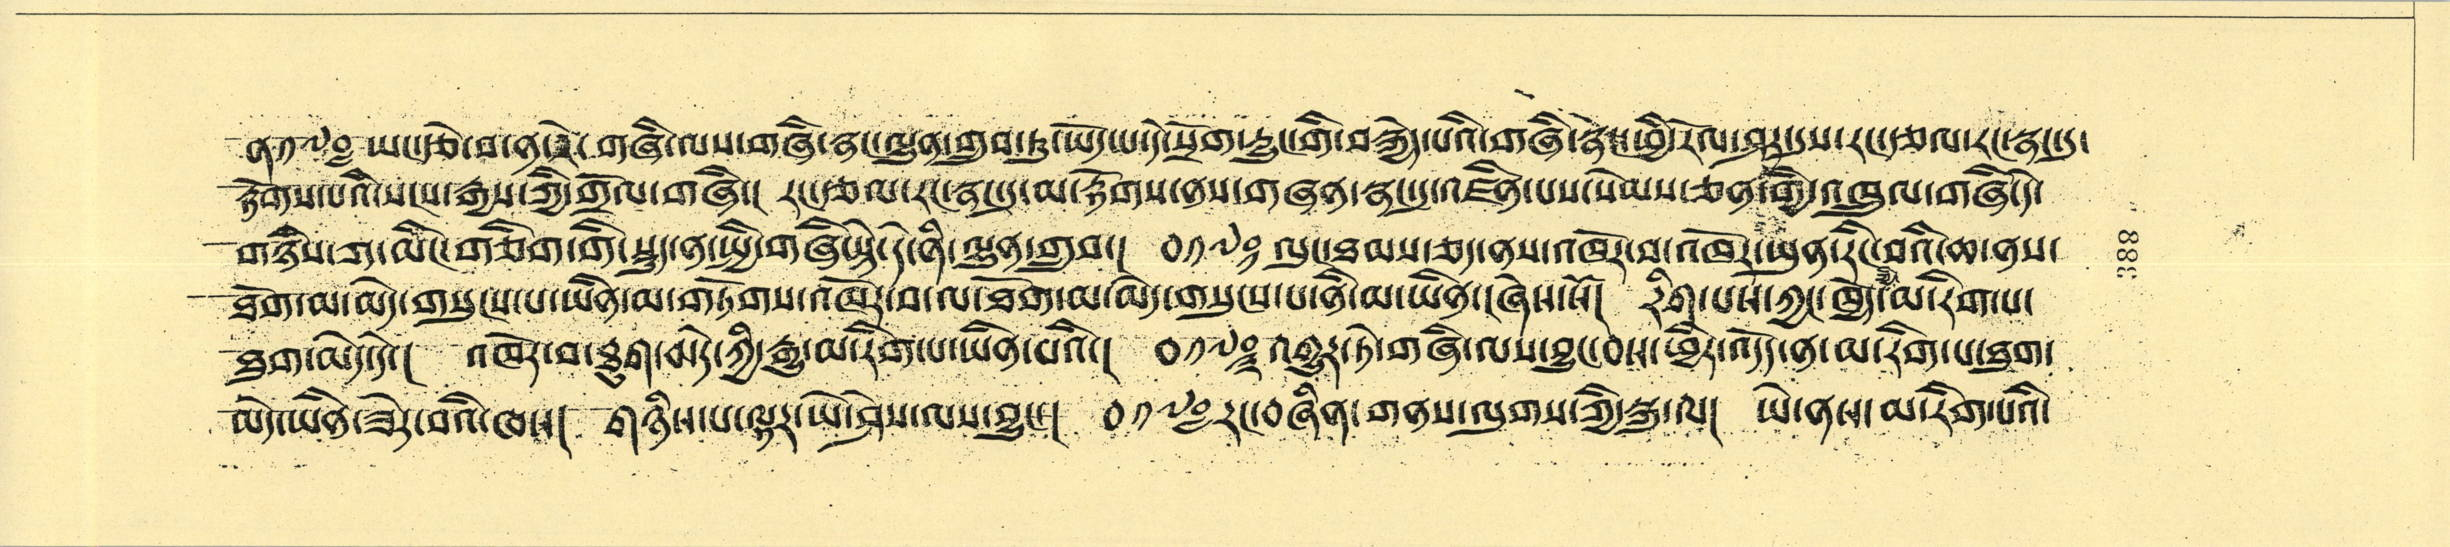ན༡༧༠།༤ ཡང་རྩེ་བ་ན་རེ་གཞི་ལས་གཞི་སྣང་ལྷུན་གྲུབ་ཏུ་ཡོད་པ་དེ་སྲོག་རླུང་གི་བསྐྱེད་པའི་གཞི་སྣང་ཕྱི་རོལ་ཤར་དུས་རང་རྩལ་རང་སྣང་དུ་
རྟོགས་པའི་སངས་རྒྱས་ཀྱི་གྲོལ་གཞི། རང་རྩལ་རང་སྣང་དུ་མ་རྟོགས་ནས་གཞན་སྣང་དུ་འཛིན་པས་སེམས་ཅན་གྱི་འཁྲུལ་གཞི་དེ་
གཉིས་ཀ་མིང་གཅིག་གི་སྡུད་ན་སྤྱི་གཞི་སྟེ་ ༼དེ་ནི་༽ལྷུན་གྲུབ། བ༡༧༠།༡ ལུང་ཐམས་ཅད་ནས་འཁོར་བ་འཁོར་ཡུན་རིང་བའི་ཆ་ནས་
ཐོག་མ་མེད་གསུངས་པ་ཡིན་མ་གཏོགས་འཁོར་བའ་ལ་ཐོག་མ་མེད་གསུངས་པ་ནི་མ་ཡིན་ ༼ཞེས་སོ།༽ ༼རིག་པས་ཀྱང་༽ཁྱོད་ཀྱི་མ་རིག་པ་
ཐུག་མེད་དེ། འཁོར་བ་ ༼ཐུག་མེད་ཀྱི་༽རྒྱུ་མ་རིག་པ་ཡིན་པའི། བ༡༧༠།༣ ༼འགྱུར་༽ཏེ་གཞི་ལས་བྱུང་ ༼བས་༽ཕྱིར་འདོད་ན་མ་རིག་པ་ཐུག་
མེད་ཡིན་ཟེར་བའི་ ༼ཁས།༽ ༼གཉིས་པ་ལྟར་༽ཡེ་ཤེས་ལས་བྱུང། བ༡༧༠།༤ ༼རང་བཞིན་༽གནས་ལུགས་ཀྱི་སྐུ་ ༼ལ།༽ ༼ཡེ་ནས་༽མ་རིག་པའི་